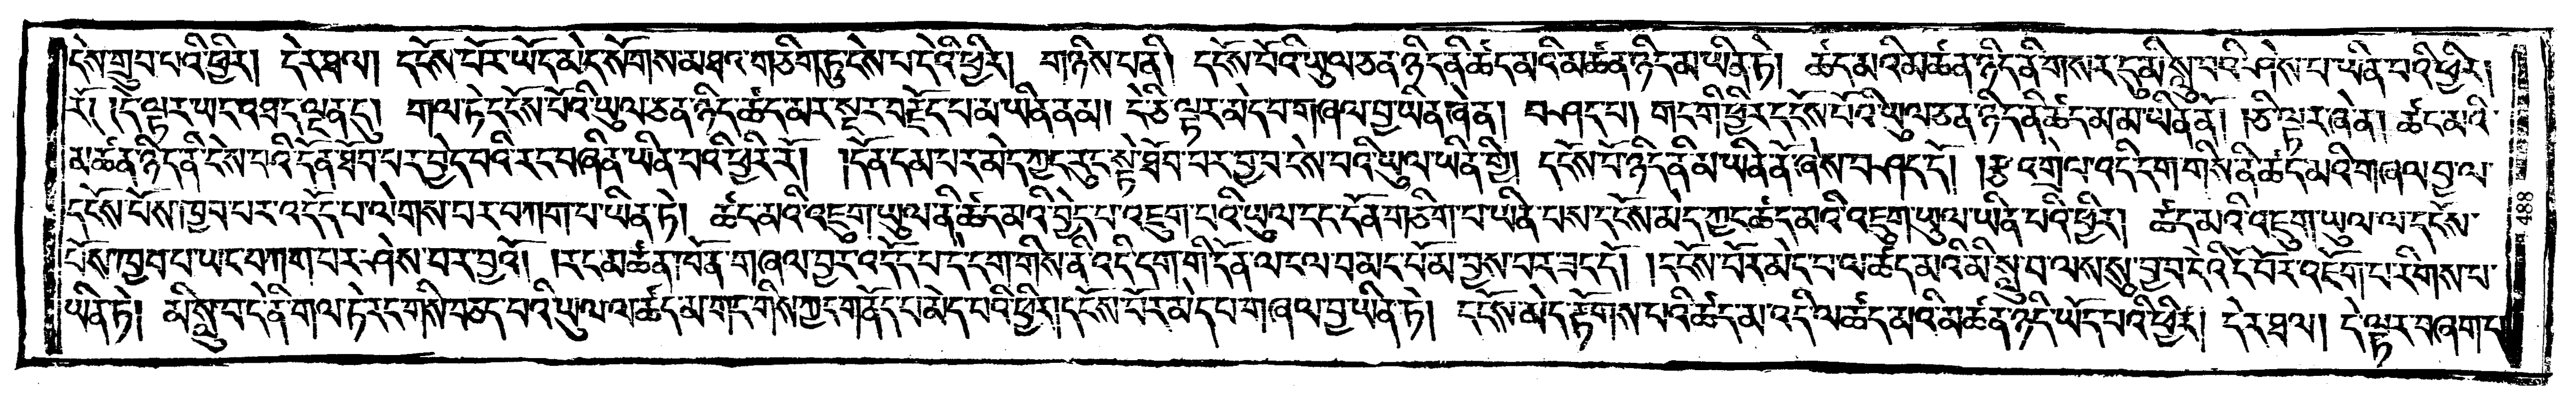དེས་གྲུབ་པའི་ཕྱིར། དེར་ཐལ། དངོས་པོར་ཡོད་མེད་སོགས་མཐའ་གཅིག་ཏུ་ངེས་པ་དེའི་ཕྱིར། གཉིས་པ་ནི། དངོས་བོའི་ཡུལ་ཅན་ཉིད་ནི་ཚད་མའི་མཚན་ཉིད་མ་ཡིན་ཏེ། ཚད་མའི་མཚན་ཉིད་ནི་གསར་དུ་མི་སླུ་བའི་ཤེས་པ་ཡིན་པའི་ཕྱིར།
རོ༑ ༑དེ་ལྟར་ཡང་འཐད་ལྡན་དུ། གལ་ཏེ་དངོས་པོའི་ཡུལ་ཅན་ཉིད་ཚད་མར་སྔར་བརྗོད་པ་མ་ཡིན་ནམ། དེ་ཅི་ལྟར་མེད་པ་གཞལ་བྱ་ཡིན་ཞེ་ན། བཤད་པ། གང་གི་ཕྱིར་དངོས་པོའི་ཡུལ་ཅན་ཉིད་ནི་ཚད་མ་མ་ཡིན་ནོ། །ཅི་ལྟར་ཞེ་ན། ཚང་མའི་
མཚན་ཉིད་ནི་ངེས་པའི་དོན་ཐོབ་པར་བྱེད་པའི་རང་བཞིན་ཡིན་པའི་ཕྱིར་རོ། །དོན་དམ་པར་མེད་ཀྱང་རུང་སྟེ་ཐོབ་པར་བྱ་བ་ངེས་པའི་ཡུལ་ཡིན་གྱི། དངོས་པོ་ཉིད་ནི་མ་ཡིན་ནོ་ཞེས་བཤད་དོ། །རྩ་འགྲེལ་འདི་དག་གིས་ནི་ཚད་མའི་གཞལ་བྱ་ལ་
དངོས་པོས་ཁྱབ་པར་འདོད་པ་ལེགས་པར་བཀག་པ་ཡིན་ཏེ། ཚད་མའི་འཇུག་ཡུལ་ནི་ཚད་མའི་བྱེད་པ་འཇུག་པའི་ཡུལ་དང་དོན་གཅིག་པ་ཡིན་པས་དངོས་མེད་ཀྱང་ཚད་མའི་འཇུག་ཡུལ་ཡིན་པའི་ཕྱིར། ཚད་མའི་འཇུག་ཡུལ་ལ་དངོས་
པོས་ཁྱབ་པ་ཡང་བཀག་པར་ཤེས་པར་བྱའོ། །རང་མཚན་ཁོ་ན་གཞལ་བྱར་འདོད་པ་དག་གིས་ནི་འདི་དག་གི་དོན་ལ་ངལ་བ་མང་པོ་མ་བྱས་པར་ཟད་དོ། །དངོས་པོར་མེད་པ་ལ་ཚད་མའི་མི་སླུ་བ་ལས་སུ་བྱ་བ་དེའི་ངོ་བོར་འཇོག་པ་རིགས་པ་
ཡིན་ཏེ། མི་སླུ་བ་དེ་ནི་གལ་ཏེ་རང་གིས་བཅད་པའི་ཡུལ་ལ་ཚད་མ་གང་གིས་ཀྱང་གནོད་པ་མེད་པའི་ཕྱིར། དངོས་པོར་མེད་པ་གཞལ་བྱ་ཡིན་ཏེ། དངོས་མེད་རྟོགས་པའི་ཚད་མ་འདི་ལ་ཚད་མའི་མཚན་ཉིད་ཡོད་པའི་ཕྱིར། དེར་ཐལ། དེ་ལྟར་བཞག་པ་